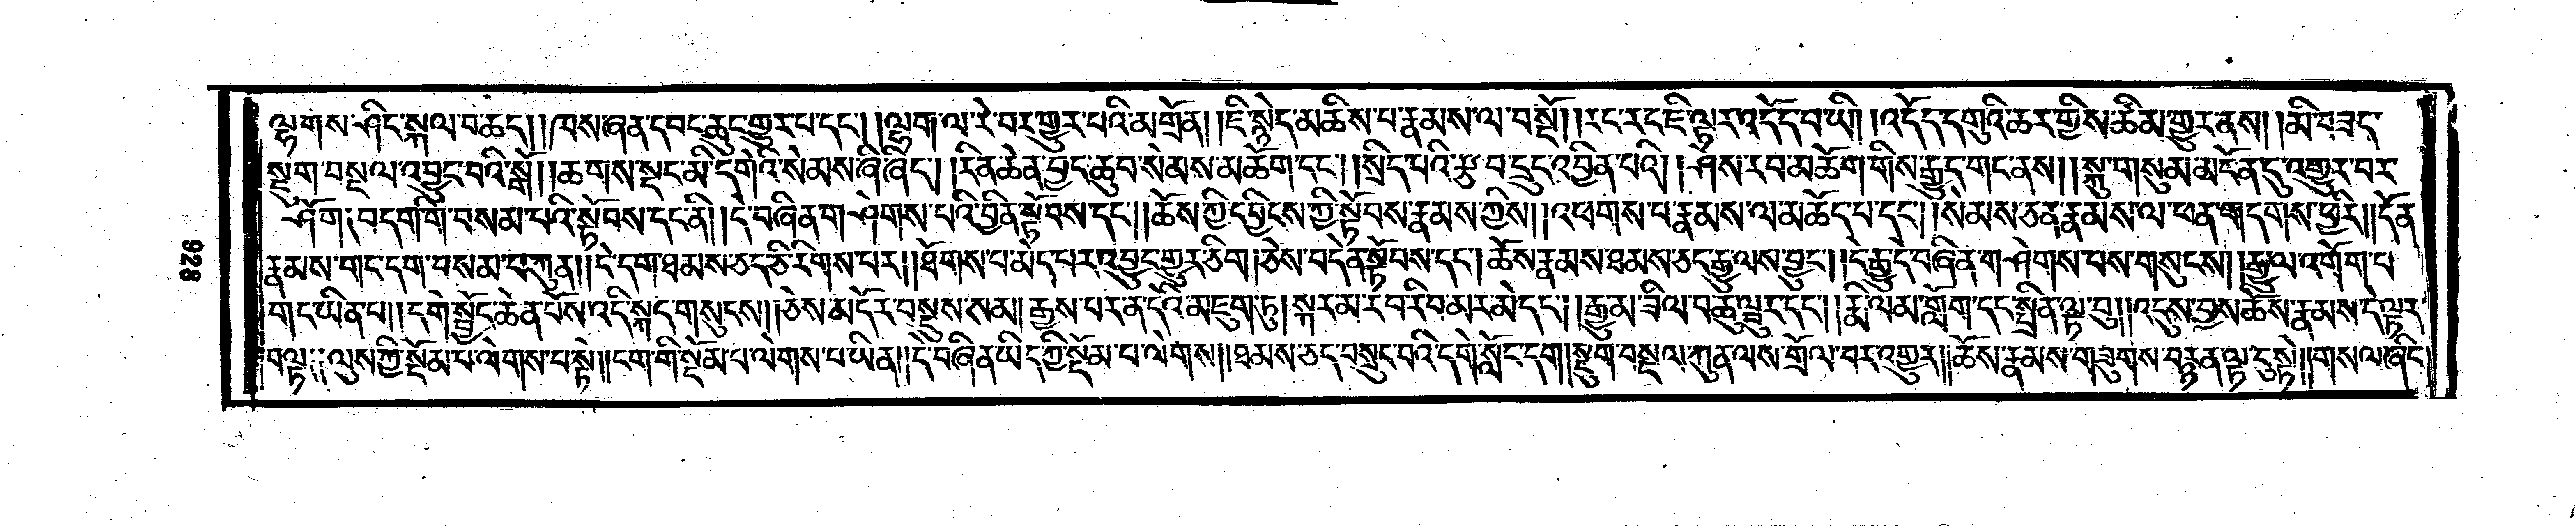ལྷགས་ཤིང་སྐལ་བ་ཆད། །ཁས་ཞན་དབང་ཆུང་གྱུར་པ་དང་། །ལྷག་ལ་རེ་བར་གྱུར་པའི་མགྲོན། །ཇི་སྙེད་མཆིས་པ་རྣམས་ལ་བསྔོ། །རང་རང་ཇི་ལྟར་འདོད་པ་ཡི། །འདོད་དགུའི་ཆར་གྱིས་ཚིམ་གྱུར་ནས། །མི་བཟད་
སྡུག་བསྔལ་འབྱུང་བའི་སྒོ། །ཆགས་སྡང་མི་དགེའི་སེམས་ཞི་ཞིང་། །རིན་ཆེན་བྱང་ཆུབ་སེམས་མཆོག་དང་། །སྲིད་པའི་རྩ་བ་དྲུང་འབྱིན་པའི། །ཤེས་རབ་མཆོག་གིས་རྒྱུད་གང་ནས། །སྐུ་གསུམ་མངོན་དུ་འགྱུར་བར་
ཤོག ༑བདག་གི་བསམ་པའི་སྟོབས་དང་ནི། །དེ་བཞིན་གཤེགས་པའི་བྱིན་སྟོབས་དང་། །ཆོས་ཀྱི་དབྱིངས་ཀྱི་སྟོབས་རྣམས་ཀྱིས། །འཕགས་པ་རྣམས་ལ་མཆོད་པ་དང་། །སེམས་ཅན་རྣམས་ལ་ཕན་གདགས་ཕྱིར། །དོན་
རྣམས་གང་དག་བསམ་པ་ཀུན། །དེ་དག་ཐམས་ཅད་ཅི་རིགས་པར། །ཐོགས་པ་མེད་པར་འབྱུང་གྱུར་ཅིག །ཅེས་བདེན་སྟོབས་དང་། ཆོས་རྣམས་ཐམས་ཅད་རྒྱུ་ལས་བྱུང་། །དེ་རྒྱུ་དེ་བཞིན་གཤེགས་པས་གསུངས། །རྒྱུ་ལ་འགོག་པ་
གང་ཡིན་པ། །དགེ་སྦྱོང་ཆེན་པོས་འདི་སྐད་གསུངས། །ཅེས་མདོར་བསྡུས་སམ། རྒྱས་པར་ན་དེའི་མཇུག་ཏུ། སྐར་མ་རབ་རིབ་མར་མེ་དང་། །རྒྱུ་མ་ཟིལ་པ་ཆུ་ལྦུར་དང་། །རྨི་ལམ་གློག་དང་སྤྲིན་ལྟ་བུ། །འདུས་བྱས་ཆོས་རྣམས་དེ་ལྟར་
བལྟ༑ ༑ལུས་ཀྱི་སྡོམ་པ་ལེགས་པ་སྟེ། །ངག་གི་སྡོམ་པ་ལེགས་པ་ཡིན། །དེ་བཞིན་ཡིད་ཀྱི་སྡོམ་པ་ལེགས། །ཐམས་ཅད་བསྲུང་བའི་དགེ་སློང་དག །སྡུག་བསྔལ་ཀུན་ལས་གྲོལ་བར་འགྱུར། །ཆོས་རྣམས་གཟུགས་བརྙན་ལྟ་བུ་སྟེ། །གསལ་ཞིང་